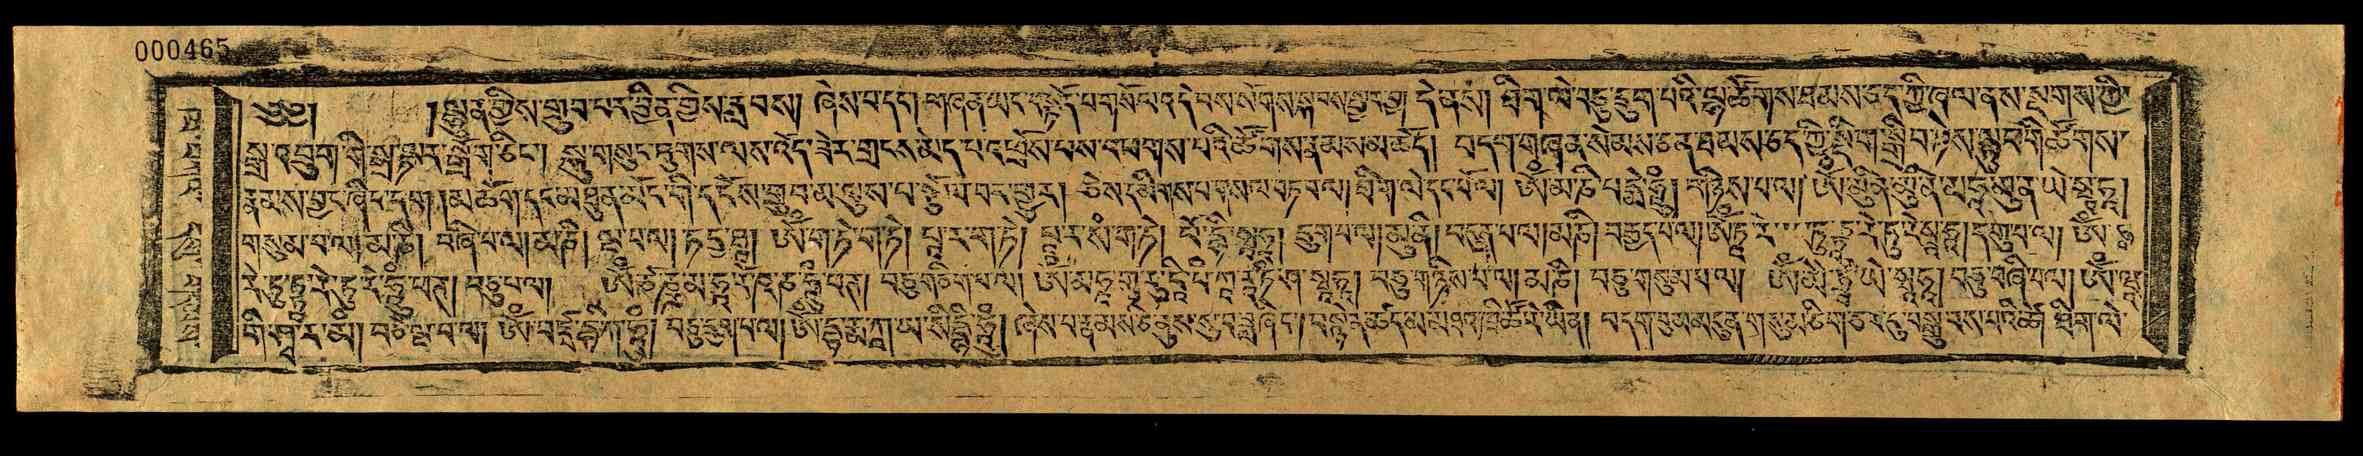༄༅། །ལྷུན་གྱིས་གྲུབ་པར་བྱིན་གྱིས་རློབས། ཞེས་པ་དང་། གཞན་ཡང་བསྟོད་པ་གསོལ་འདེབས་སོགས་སྐབས་སྦྱར་བྱ།  དེ་ནས། ཐིག་ལེ་བཅུ་དྲུག་པོའི་ལྷ་ཚོགས་ཐམས་ཅད་ཀྱི་ཞལ་ནས་སྔགས་ཀྱི་
སྒྲ་འབྲུག་གི་སྒྲ་ལྟར་སྒྲོག་ཅིང་། སྐུ་གསུང་ཐུགས་ལས་འོད་ཟེར་གྲངས་མེད་པ་འཕྲོས་པས་འཕགས་པའི་ཚོགས་རྣམས་མཆོད། བདག་གཞན་སེམས་ཅན་ཐམས་ཅད་ཀྱི་སྡིག་སྒྲིབ་ཉེས་ལྟུང་གི་ཚོགས་
རྣམས་བྱང་ཞིང་དག །མཆོག་དང་མཐུན་མོང་གི་དངོས་གྲུབ་མ་ལུས་པ་སྩོལ་བར་གྱུར། ཅེས་དམིགས་པ་གསལ་བཏབ་ལ། ཐིག་ལེ་དང་པོ་ལ།  ཨོཾ་མ་ཎི་པདམེ་ཧཱུཾ། གཉིས་པ་ལ།  ཨོཾ་མུ་ནི་མུ་ནི་མཧཱ་མུན་ཡེ་སྭཱཧཱ།
གསུམ་པ་ལ།  མ་ཎི། བཞི་པ་ལ།  མ་ཎི། ལྔ་པ་ལ།  ཏདྱ་ཐཱ། ཨོཾ་ག་ཏེ་ག་ཏེ། པཱ་ར་ག་ཏེ། པཱ་ར་སཾ་ག་ཏེ། བོ་དྷི་སྭཱ་ཧཱ། དྲུག་པ་ལ།  མུ་ནི། བདུན་པ་ལ།  མ་ཎི། བརྒྱད་པ་ལ།  ཨོཾ་ཏཱ་རེ་ཏུཏྟཱ་རེ་ཏུ་རེ་སྭཱཧཱ། དགུ་པ་ལ།  ཨོཾ་ཏཱ་
རེ་ཏུ་ཏྟཱ་རེ་ཏུ་རེ་ཧཱུཾ་ཕཊ། བཅུ་པ་ལ།  ཨོཾ་ཙཎྜ་མ་ཧཱ་རོ་ཥ་ཎ་ཧཱུཾ་ཕཊ། བཅུ་གཅིག་པ་ལ།  ཨོཾ་མ་ཧཱ་གུ་རུ་དཱི་པཾ་ཀཱ་རཱ་ཏི་ཤ་སྭཱ་ཧཱ། བཅུ་གཉིས་པ་ལ།  མ་ཎི། བཅུ་གསུམ་པ་ལ།  ཨོཾ་མ་ཏྲཱི་ཡེ་སྭཱཧཱ། བཅུ་བཞི་པ་ལ།  ཨོཾ་ཝཱ་
གི་ཤྭར་མཾ། བཅོ་ལྔ་པ་ལ།  ཨོཾ་བཛྲ་དྷྲཾ་ཀ་ཧཱུཾ། བཅུ་དྲུག་པ་ལ།  ཨོཾ་དྷརྨ་ཀཱ་ཡ་སིདྡྷི་ཧཱུཾ། ཞེས་པ་རྣམས་ཅི་ནུས་སུ་བཟླ་ཞིང་།  བསྙེན་ཚད་མ་མཐའ་ཁྲི་ཚོ་རེ་ཡིན། བདག་བུམ་མདུན་གསུམ་ཅིག་ཅེར་དུ་བསྒྲུབས་པའི་ཚེ། ཐིག་ལེ་